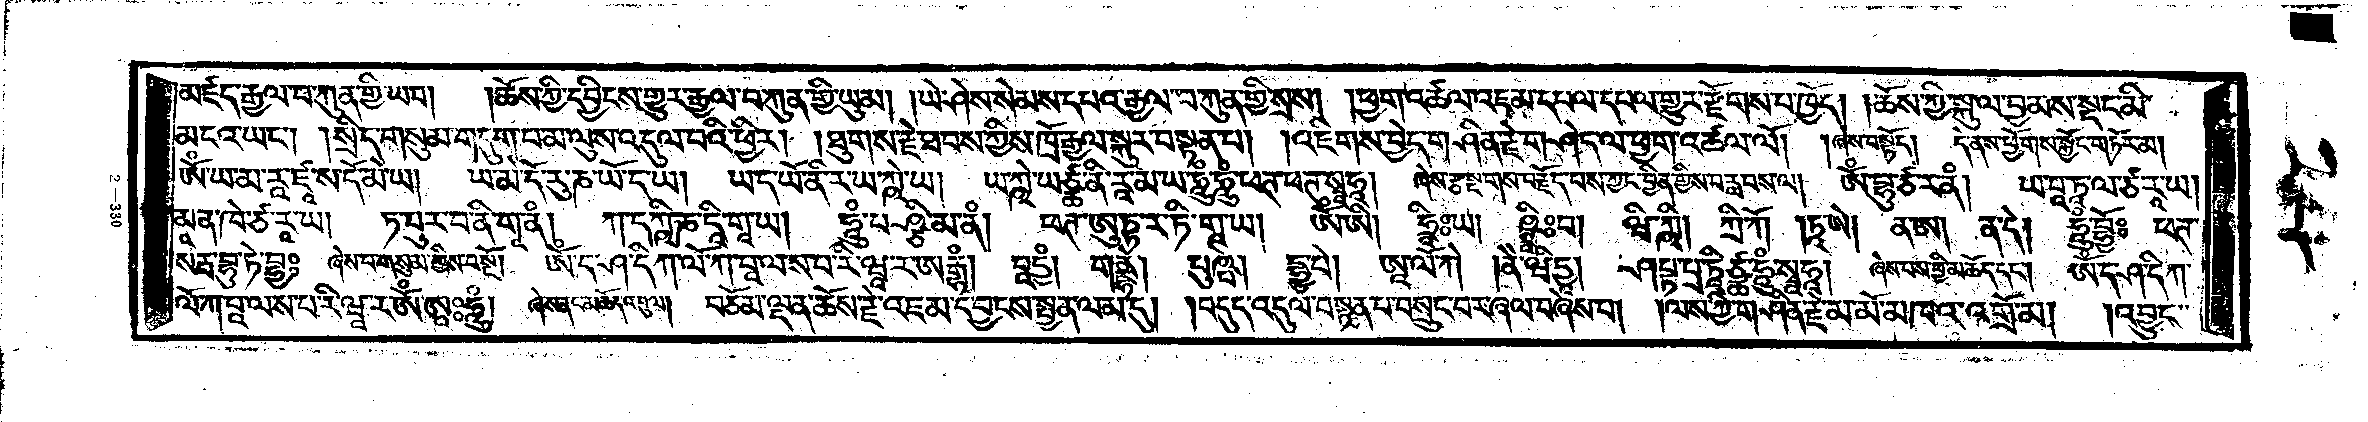མཛད་རྒྱལ་བ་ཀུན་གྱི་ཡབ། །ཆོས་ཀྱི་དབྱིངས་གྱུར་རྒྱལ་བ་ཀུན་གྱི་ཡུམ། །ཡེ་ཤེས་སེམས་དཔའ་རྒྱལ་བ་ཀུན་གྱི་སྲས། །ཕྱག་འཚལ་འཇམ་དཔལ་དཔལ་གྱུར་རྫོགས་པ་ཁྱོད། །ཆོས་ཀྱི་སྐུལ་བྱམས་སྡང་མི་
?བ་ཡང་། །སྲིད་གསུམ་གདུག་བ་མ་ལུས་འདུལ་བའི་ཕྱིར། །ཐུགས་རྗེ་ཐབས་ཀྱིས་ཁྲོ་རྒྱལ་སྐུར་བསྟན་པ། །འཇིགས་བྱེད་གཤིན་རྗེ་གཤེད་ལ་ཕྱག་འཚལ་ལོ། །ཞེས་བསྟོད། དེ་ནས་ཕྱོགས་སྐྱོང་གཏོར་མ།
ཨོཾ་ཡ་མ་རཱ་ཛཱ་ས་དོ་མེ་ཡ། ཡ་མེ་དོ་རུ་ཎ་ཡོ་ད་ཡ། ཡ་ད་ཡོ་ནི་ར་ཡ་ཀྵེ་ཡ། ཡ་ཀྵེ་ཡཙྪ་ནི་རཱ་མ་ཡ་ཧཱུཾ་ཧཱུཾ་ཕཊ་ཕཊ་སྭཱཧཱ། ཞེས་རྩ་སྔགས་བརྗོད་པས་ཀྱང་བྱིན་གྱིས་བརླབས་ལ།  ཨོཾ་བྷུ་ཙ་ར་ནཾ། ཡ་བཱ་ཏཱ་ལ་ཙ་རཱ་ཡ།
མན་ཁེ་ཙ་རཱ་ཡ། ཏ་པུར་བ་ནི་གཱ་ནཾ། ཀ་དཀྵི་ཎ་དཱི་གཱ་ཡ། ཧཱུཾ་པཥྩི་མ་ནཾ། ཕཊ་ཨུཏྟ་ར་ཏི་གཱ་ཡ། ཨོཾ་ཨི། ཧྲཱིཿཡ། ཥྚཱིཿབ། ཝི་ཀྵི། ཀྲི་ཀོ །ཏཱ་ཨེ། ན་ཨ། ན་དེ། ཧཱུཾ་བྷྱོཿ ཕཊ་
སརྦ་བྷུ་ཏེ་བྷྱཿ ཞེས་པ་གསུམ་གྱིས་བསྔོ།  ཨོཾ་ད་ཤ་དི་ཀ་ལོ་ཀ་པཱ་ལས་པ་རི་ཝཱ་ར་ཨརྒྷཾ། བཱདྱཾ། གནྡྷ། པུཥྤེ། དྷྱུ་པེ། ཨཱ་ལོ་ཀེ །ནཻ་ཝིདྱཱ། ཤཔྟ་པྲ་ཏཱི་ཙྪ་ཧཱུཾ་སྭཱ་ཧཱ། ཞེས་པས་གྱི་མཆོད་དང་།  ཨོཾ་ད་ཤ་དི་ཀ་
ལོ་ཀ་བཱ་ལས་པ་རི་ཝཱ་ར་ཨོཾ་ཨཱཿཧཱུཾ། ཞེས་ནང་མཆོད་འབུལ་བཅོམ་ལྡན་ཆོས་རྗེ་འཇམ་དབྱངས་སྤྱན་ལམ་དུ། །བདུད་འདུལ་བསྟན་པ་བསྲུང་བར་ཞལ་བཞེས་པ། །ལས་ཀྱི་གཤིན་རྗེ་མ་མོ་མཁའ་འགྲོ་མ། །འབྱུང་